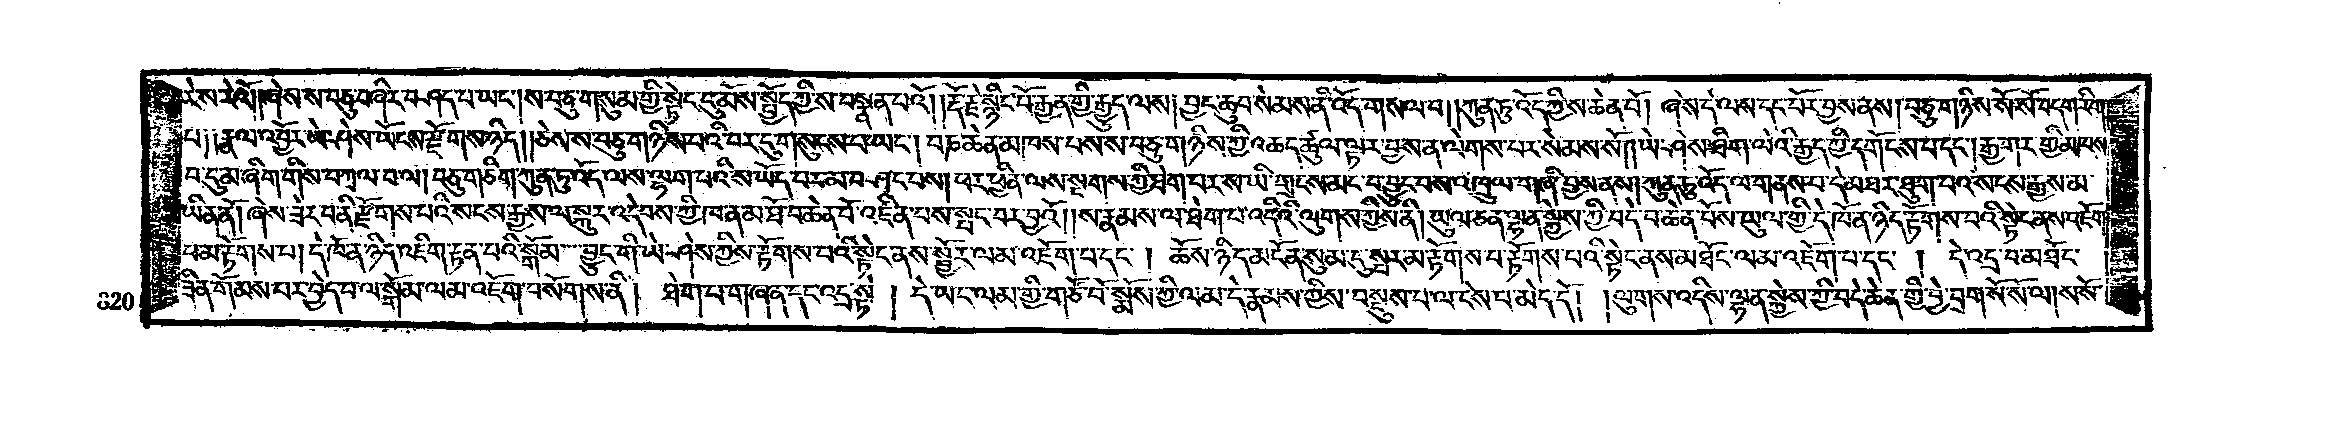རེ་ས་རེའོ། །ཞེས་ས་བཅུ་བཞིར་བཤད་པ་ཡང་། ས་བཅུ་གསུམ་གྱི་སྟེང་དུ་མོས་སྤྱོད་ཀྱི་ས་བསྣན་པའོ། །རྡོ་རྗེ་སྙིང་པོ་རྒྱན་གྱི་རྒྱུད་ལས། བྱང་ཆུབ་སེམས་ནི་འོད་གསལ་བ། །ཀུན་ཏུ་འོད་ཀྱི་ས་ཆེན་པོ། ཞེས་དེ་ལས་དང་པོར་བྱས་ནས། བཅུ་གཉིས་སོ་སོ་བདག་རིག་
པ། །རྣལ་འབྱོར་ཡེ་ཤེས་ཡོངས་རྫོགས་ཉིད། །ཅེས་ས་བཅུ་གཉིས་པའི་བར་དུ་གསུངས་པ་ཡང་། པཎ་ཆེན་མཁས་པས་ས་བཅུ་གཉིས་ཀྱི་འཆད་ཚུལ་ལྟར་བྱས་ན་ལེགས་པར་སེམས་སོ། །ཡེ་ཤེས་ཐིག་ལེའི་རྒྱུད་ཀྱི་དགོངས་པ་དང་། རྒྱ་གར་གྱི་མཁས་
པ་དུ་མ་ཞིག་གིས་བཀྲལ་བ་ལ། བཅུ་གཅིག་ཀུན་ཏུ་འོད་ལས་ལྷག་པའི་ས་ཡོད་པར་མ་བཤད་པས། ཕར་ཕྱིན་ལས་སྔགས་ཀྱི་ཐེག་པར་ས་ཡི་གྲངས་མང་བ་བྱུང་བས་འཁྲུལ་གཞི་བྱས་ནས། ཀུན་ཏུ་འོད་ལ་གནས་པ་དེ་མཐར་ཐུག་པའི་སངས་རྒྱས་མ་
ཡིན་ནོ། ཞེས་ཟེར་བ་ནི་རྫོགས་པའི་སངས་རྒྱས་ལ་སྐུར་འདེབས་ཀྱི་ཁོ་ན་མ་ཐོ་བ་ཆེན་པོ་འཛིན་པས་སྤང་བར་བྱའོ། །ས་རྣམས་ལ་ཐེག་པ་འདིའི་ལུགས་ཀྱིས་ནི། ཡུལ་ཅན་ལྷན་སྐྱེས་ཀྱི་བདེ་བ་ཆེན་པོས་ཡུལ་གྱི་དེ་ཁོ་ན་ཉིད་རྟོགས་པའི་སྟེང་ནས་འཇོག་
པ་མ་རྟོགས་པ། དེ་ཁོ་ན་ཉིད་འཇིག་རྟེན་པའི་སྒོམ་བྱུང་གི་ཡེ་ཤེས་ཀྱིས་རྟོགས་པའི་སྟེང་ནས་སྦྱོར་ལམ་འཇོག་པ་དང་། ཆོས་ཉིད་མངོན་སུམ་དུ་སྔར་མ་རྟོགས་པ་རྟོགས་པའི་སྟེང་ནས་མཐོང་ལམ་འཇོག་པ་དང་། དེ་འདྲ་བ་མཐོང་
ཟིན་གོམས་པར་བྱེད་པ་ལ་སྒོམ་ལམ་འཇོག་པ་སོགས་ནི། ཐེག་པ་གཞན་དང་འདྲ་སྟེ། དེ་ཡང་ལམ་གྱི་གཙོ་བོ་སྨོས་ཀྱི་ལམ་དེ་རྣམས་ཀྱིས་བསྡུས་པ་ལ་ངེས་པ་མེད་དོ། །ལུགས་འདིས་ལྷན་སྐྱེས་ཀྱི་བདེ་ཆེན་གྱི་བྱེ་བྲག་སོ་སོ་ལ། ས་སོ་